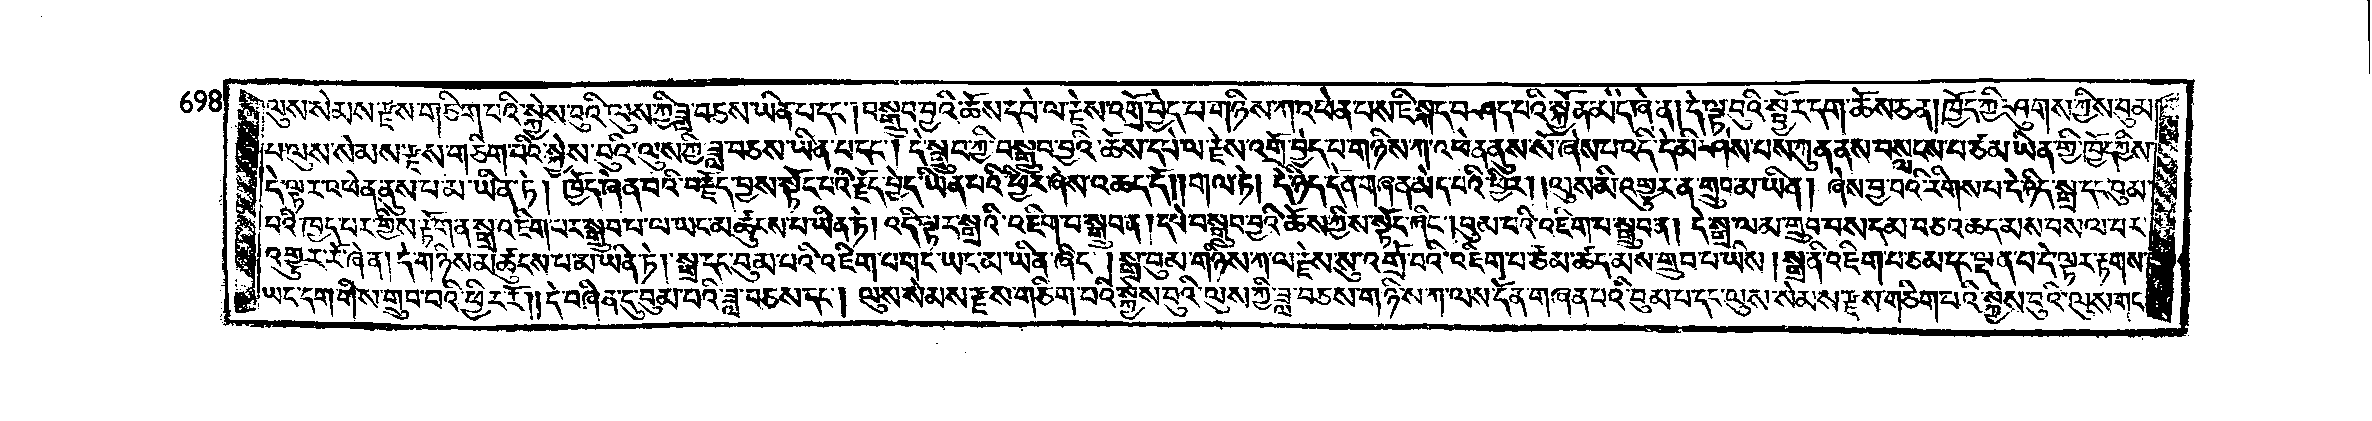ལུས་སེམས་རྫས་གཅིག་པའི་སྐྱེས་བུའི་ལུས་ཀྱི་ཟླ་བཅས་ཡིན་པ་དང་། བསྒྲུབ་བྱའི་ཆོས་དཔེ་ལ་རྗེས་འགྲོ་བྱེད་པ་གཉིས་ཀ་འཕེན་པས་ཇི་སྐད་བཤད་པའི་སྐྱོན་མེད་ཞེ་ན། དེ་ལྟ་བུའི་སྦྱོར་དག་ཆོས་ཅན། ཁྱོད་ཀྱི་ཤུགས་ཀྱིས་བུམ་
པ་ལུས་སེམས་རྫས་གཅིག་པའི་སྐྱེས་བུའི་ལུས་ཀྱི་ཟླ་བཅས་ཡིན་པ་དང་། དེ་སྒྲུབ་ཀྱི་བསྒྲུབ་བྱའི་ཆོས་དཔེ་ལ་རྗེས་འགྲོ་བྱེད་པ་གཉིས་ཀ་འཕེན་ནུས་སོ་ཞེས་པ་འདི་དེ་མི་ཤེས་པས་ཀུན་ནས་བསླངས་པ་ཙམ་ཡིན་གྱི་ཁྱོད་ཀྱིས་
དེ་ལྟར་འཕེན་ནུས་པ་མ་ཡིན་ཏེ། ཁྱོད་ཞེན་པའི་བརྗོད་བྱས་སྟོང་བའི་རྗོད་བྱེད་ཡིན་པའི་ཕྱིར་ཞེས་འཆད་དོ། །གལ་ཏེ། དེ་ཉིད་དོན་གཞན་མེད་པའི་ཕྱིར། ལུས་མི་འགྱུར་ན་གྲུབ་མ་ཡིན། ཞེས་བྱ་བའི་རིགས་པ་དེ་ཉིད་སྒྲ་དང་བུམ་
པའི་ཁྱད་པར་གྱིས་རྟོག་ན་སྒྲ་འཇིག་པར་སྒྲུབ་པ་ལ་ཡང་མཚུངས་པ་ཡིན་ཏེ། འདི་ལྟར་སྒྲའི་འཇིག་པ་སྒྲུབ་ན། དཔེ་བསྒྲུབ་བྱའི་ཆོས་ཀྱིས་སྟོང་ཞིང་། བུམ་པའི་འཇིག་པ་སྒྲུབ་ན། དེ་སྒྲ་ལ་མ་གྲུབ་པས་དམ་བཅའ་ཚད་མས་བསལ་བར་
འགྱུར་རོ་ཞེ་ན། དེ་གཉིས་མཚུངས་པ་མ་ཡིན་ཏེ། སྒྲ་དང་བུམ་པའི་འཇིག་པ་གང་ཡང་མ་ཡིན་ཞིང་། སྒྲ་བུམ་གཉིས་ཀ་ལ་རྗེས་སུ་འགྲོ་བའི་འཇིག་པ་ཙམ་ཚད་མས་གྲུབ་པ་ཡིས། སྒྲ་ནི་འཇིག་པ་ཙམ་དང་ལྡན་པ་དེ་ལྟར་རྟགས་
ཡང་དག་གིས་གྲུབ་པའི་ཕྱིར་རོ། །དེ་བཞིན་དུ་བུམ་པའི་ཟླ་བཅས་དང་། ལུས་སེམས་རྫས་གཅིག་པའི་སྐྱེས་བུའི་ལུས་ཀྱི་ཟླ་བཅས་གཉིས་ཀ་ལས་དོན་གཞན་པའི་བུམ་པ་དང་ལུས་སེམས་རྫས་གཅིག་པའི་སྐྱེས་བུའི་ལུས་གང་